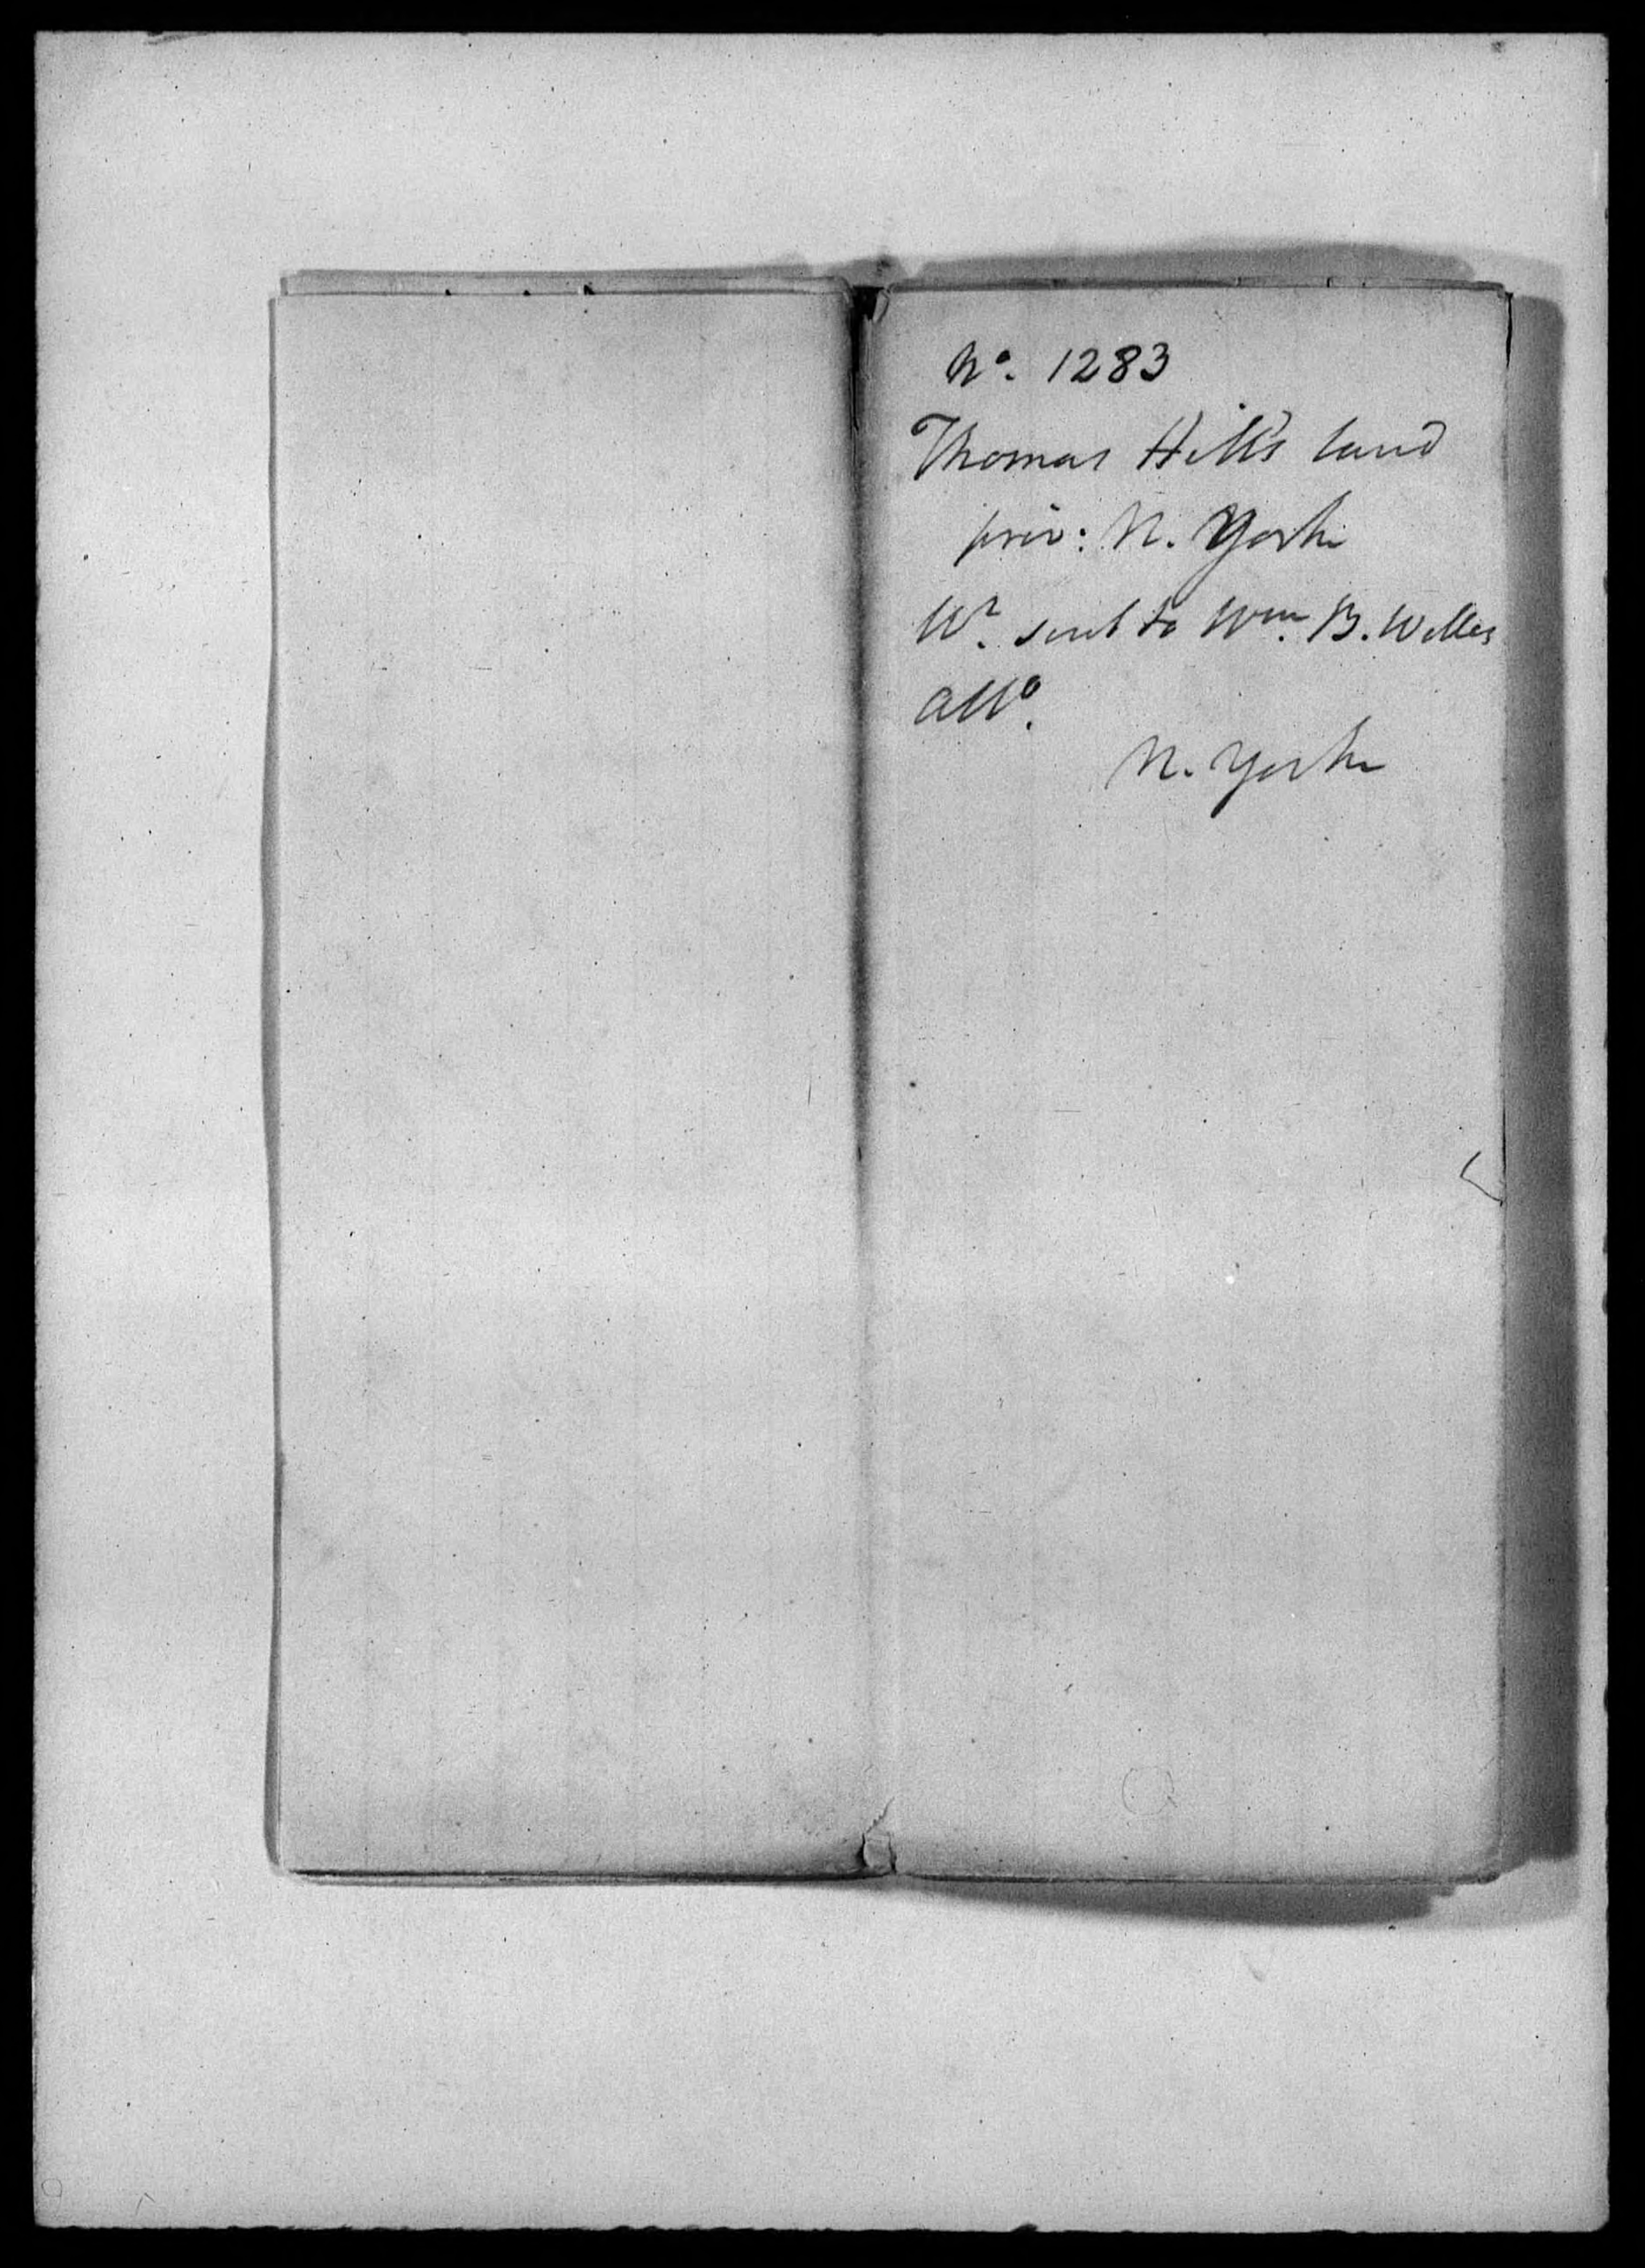No 1283
Thomas Hill's land
pri : N. York
W. sent to Wm. B. Welles
all:
N. York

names: Wm B Welles, Thomas Hill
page: 15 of 31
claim: survivor's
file: S. 43672, Thomas Hill, New York